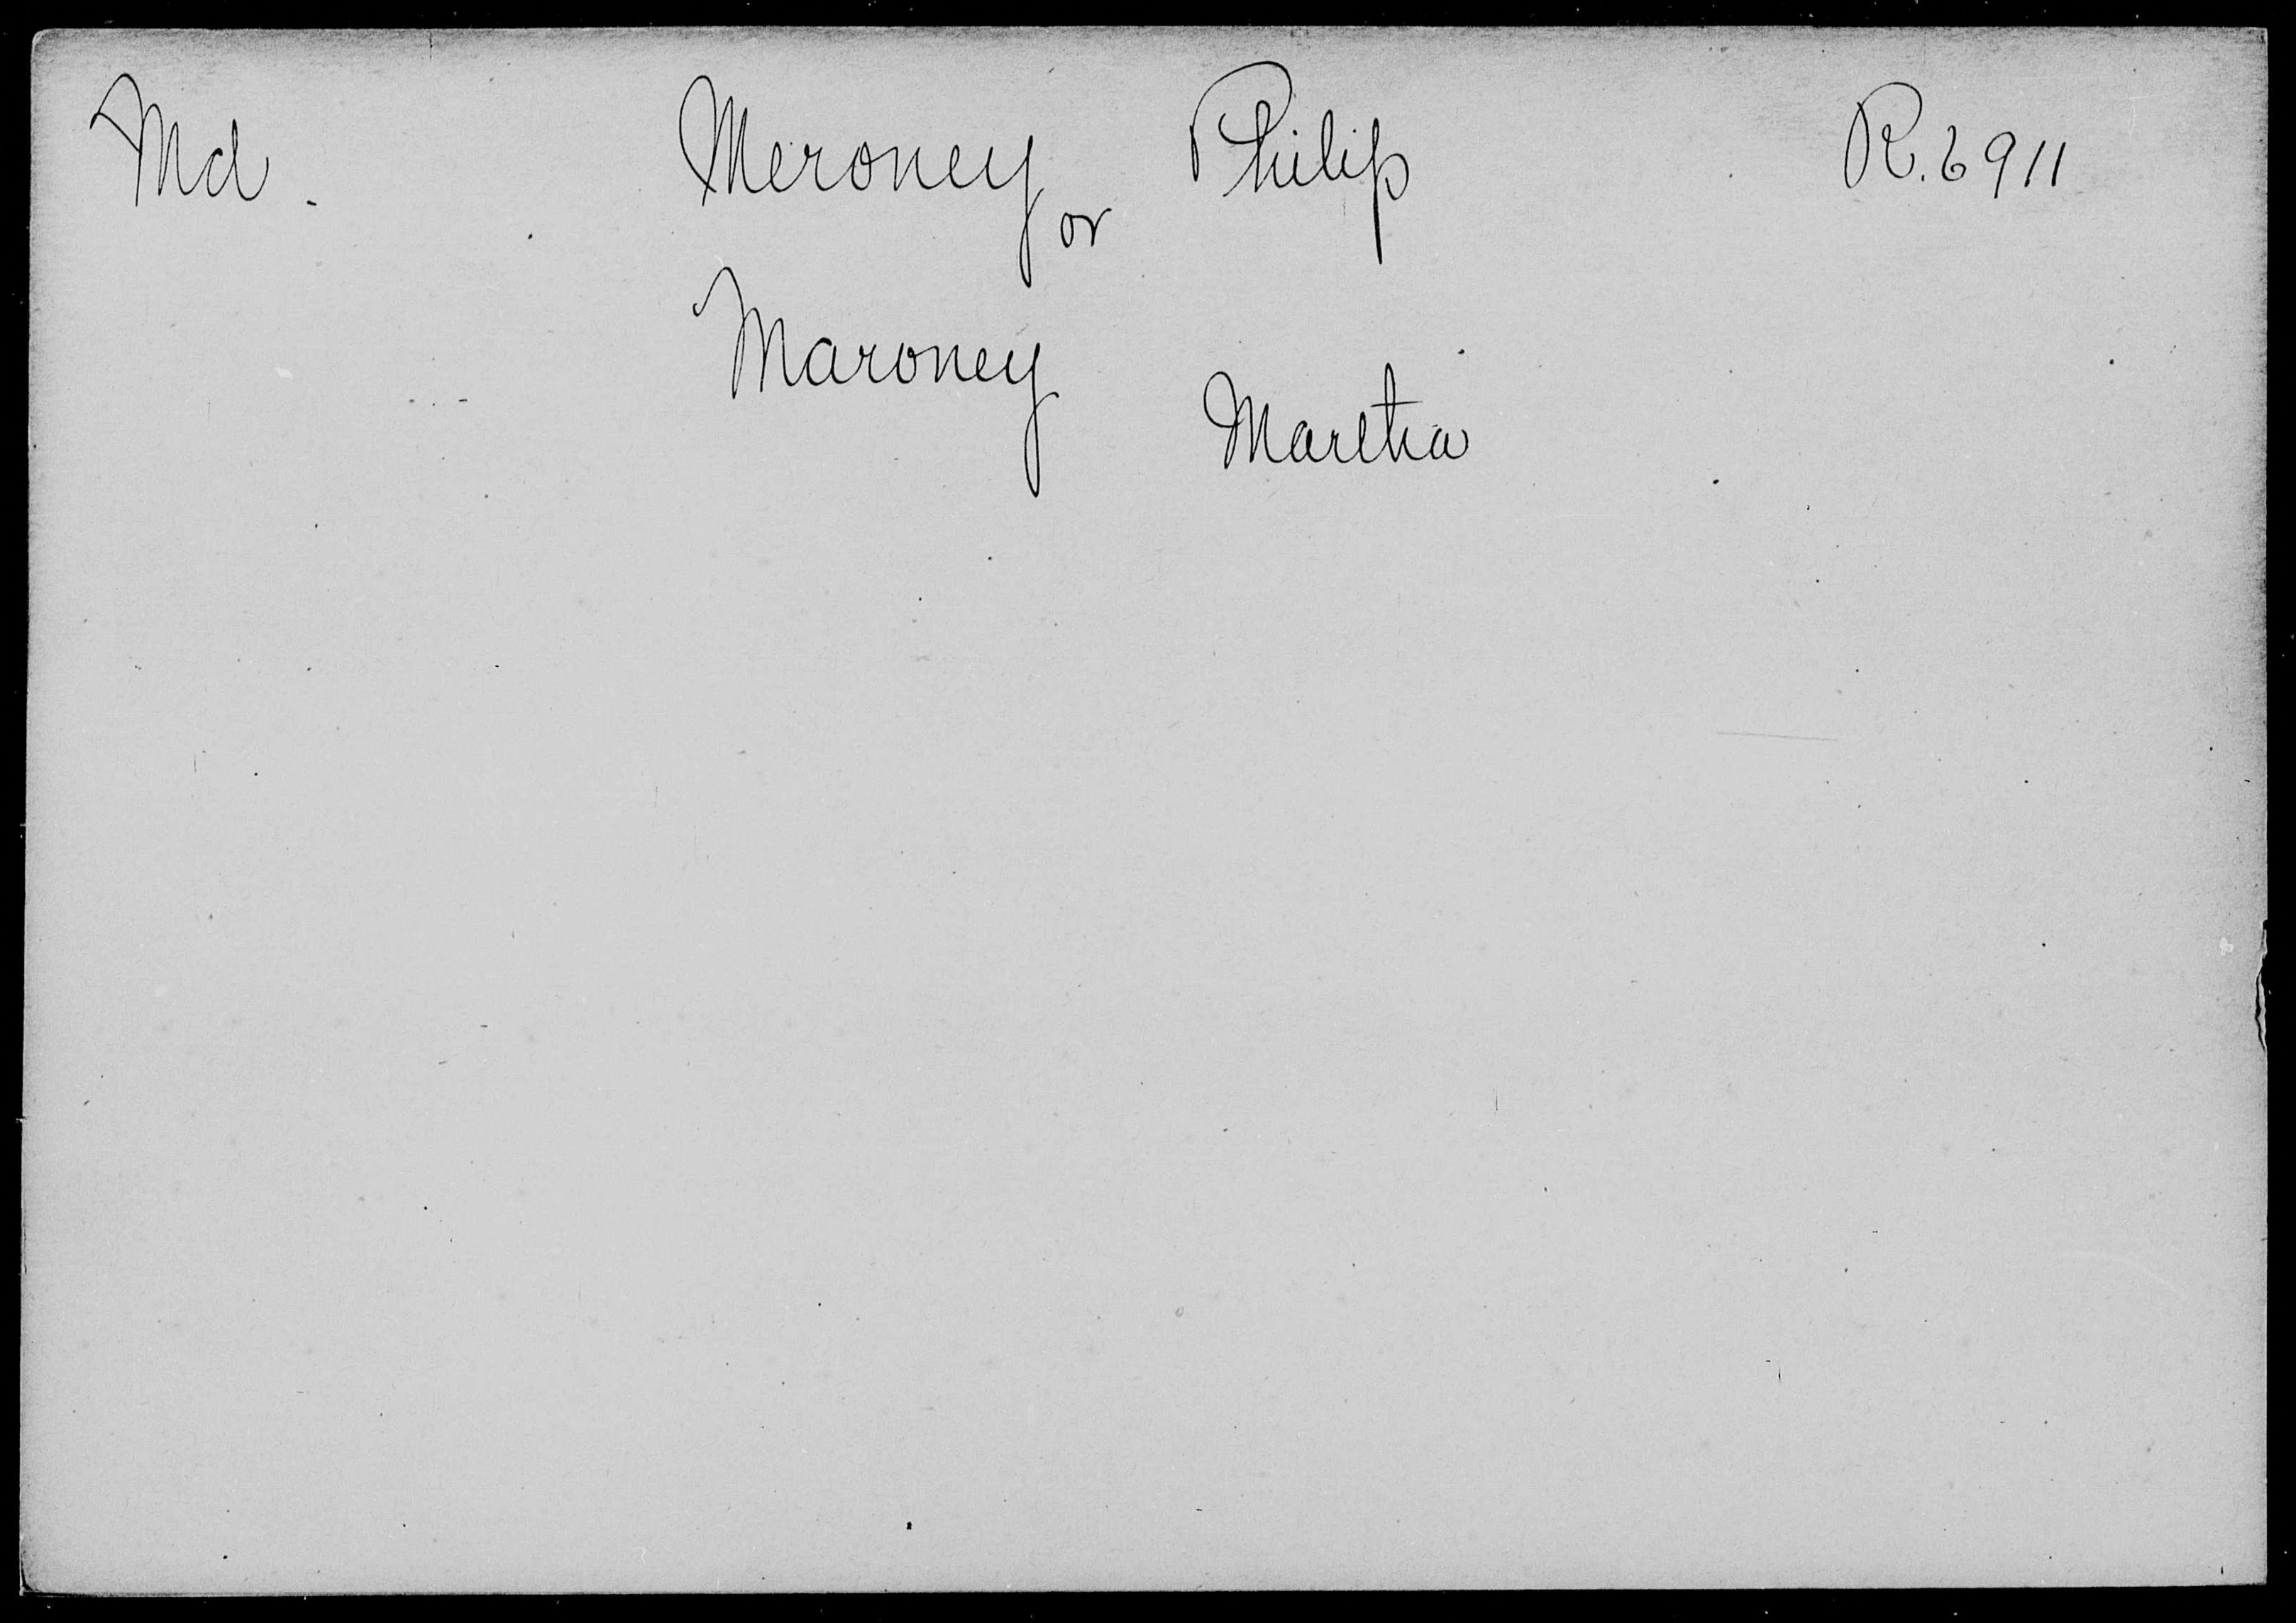Md.

Meroney, Philip
or
Maroney
Martha

R. 6911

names: Philip Maroney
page: 1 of 1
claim: rejected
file: R. 6911, for Philip Meroney, Maryland